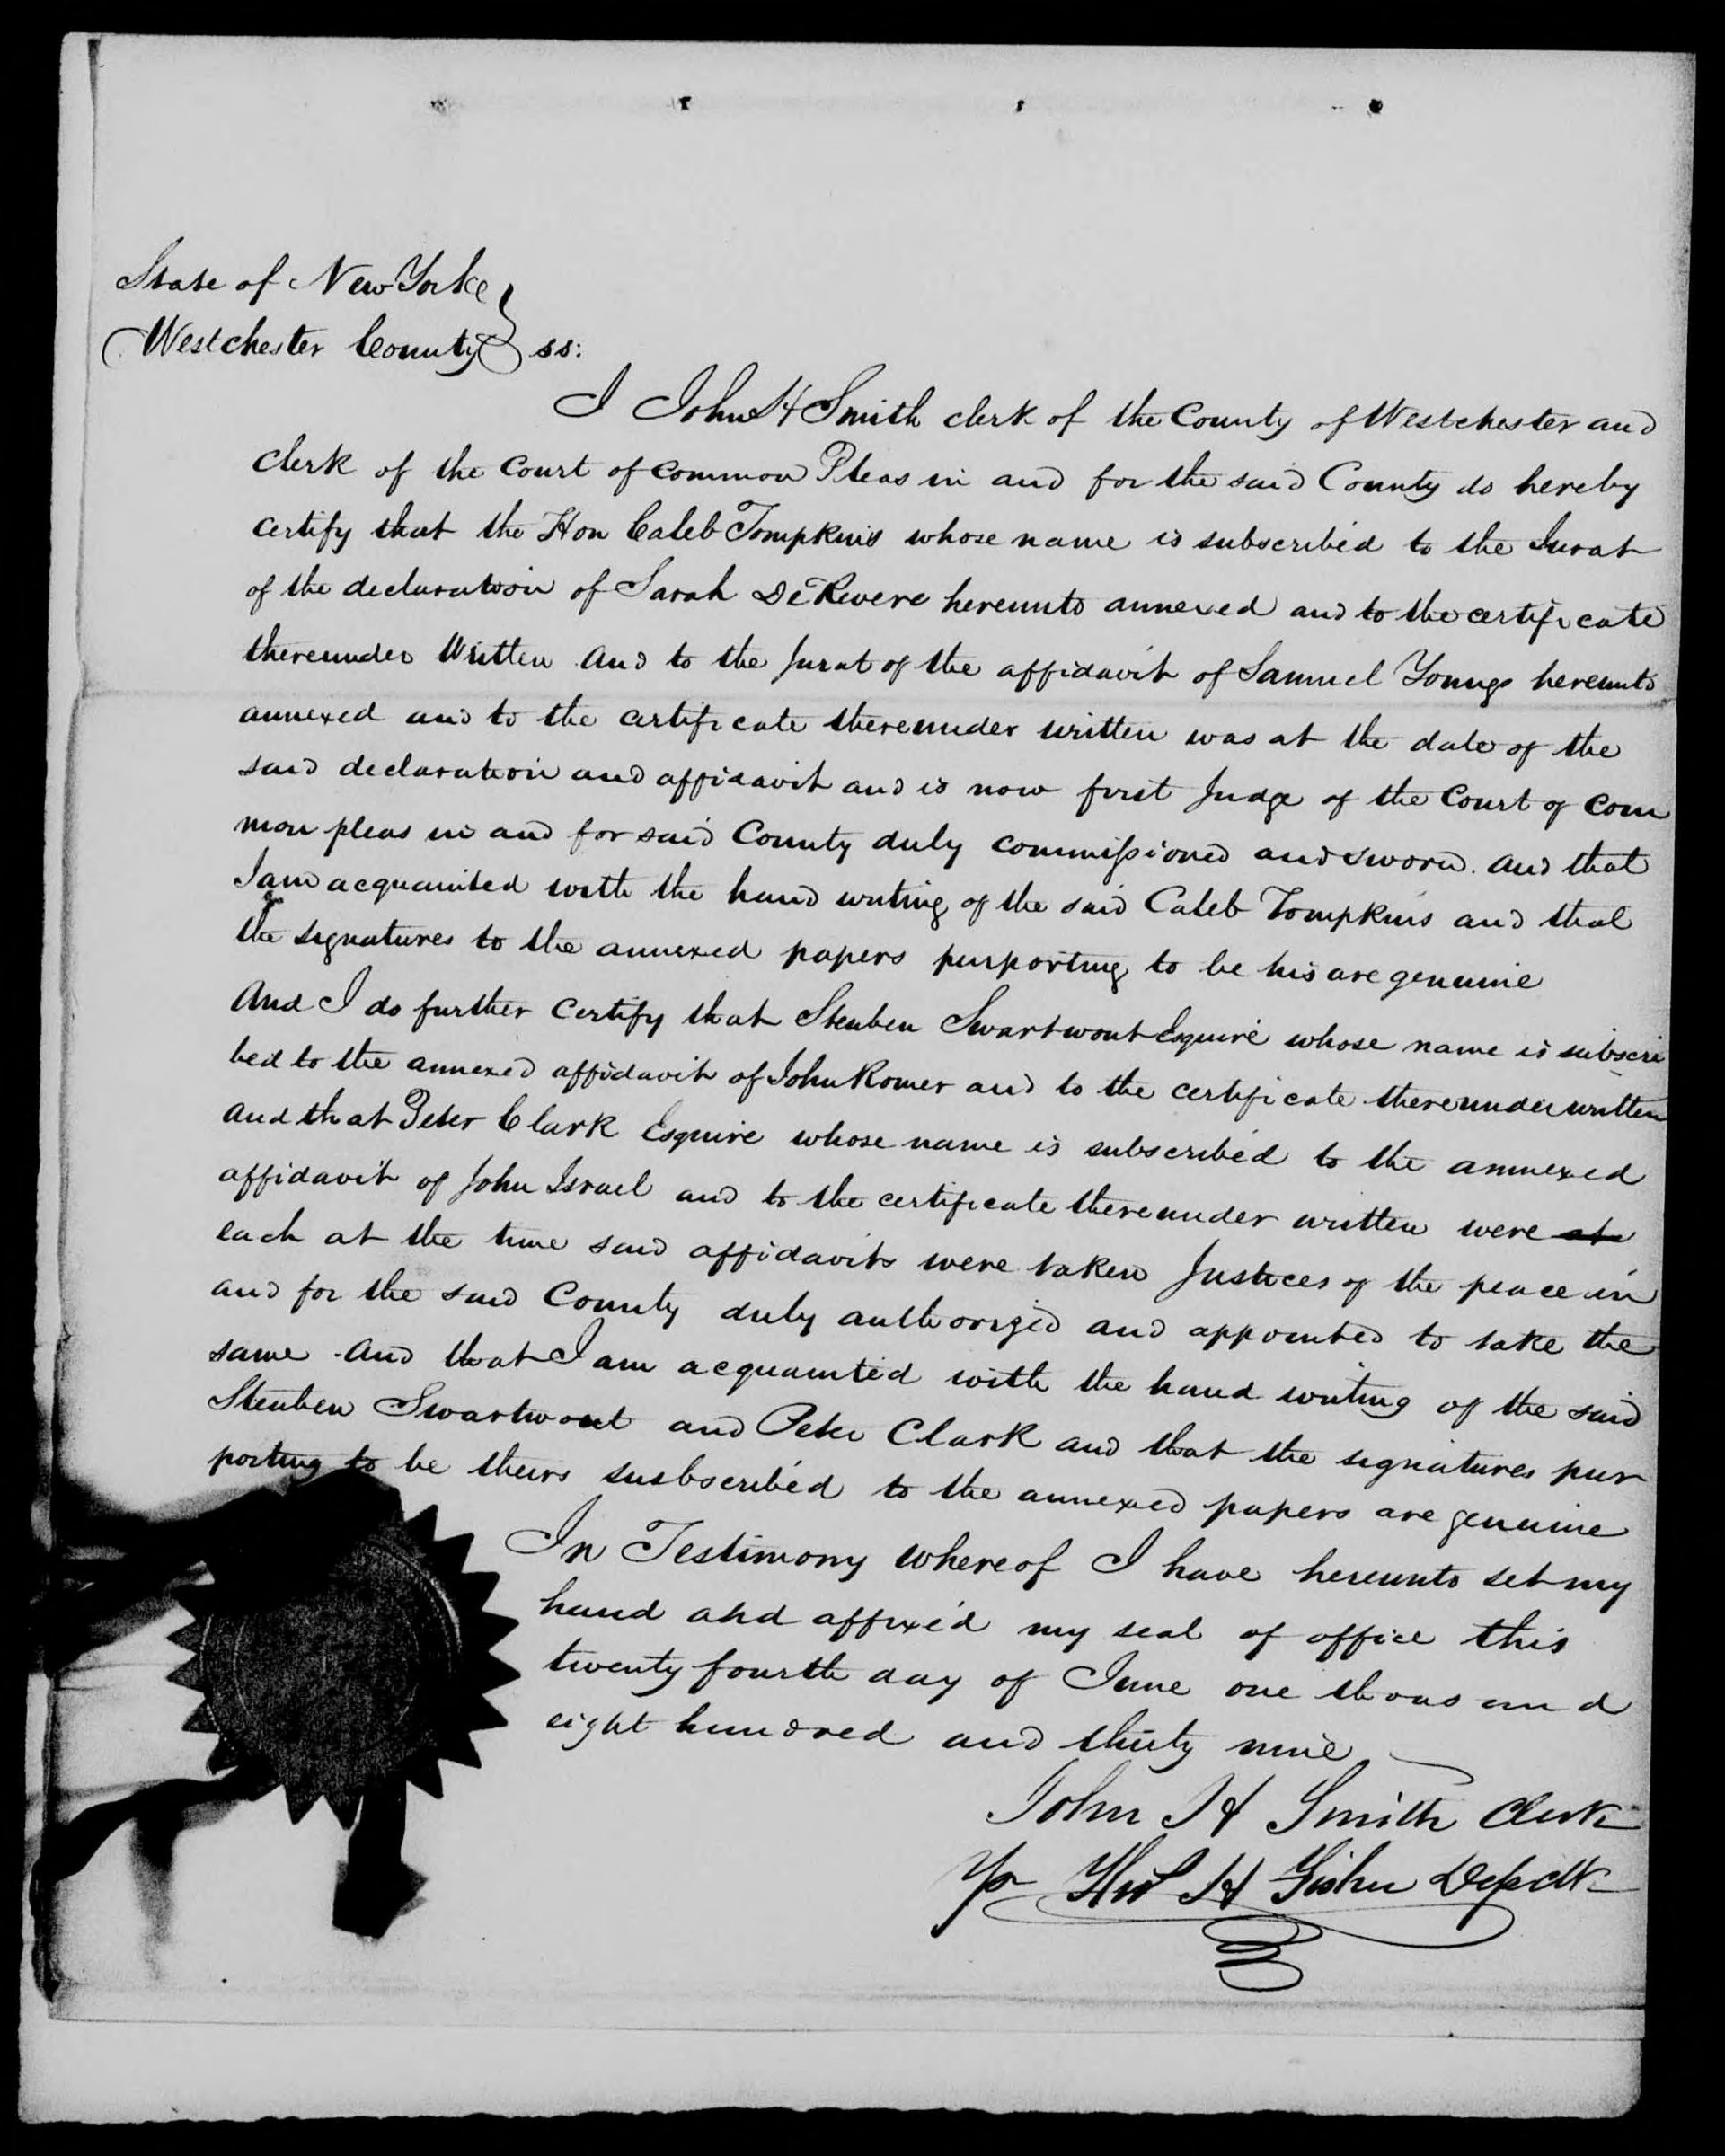State of New York
Westchester County ss
I John H Smith Clerk of the County of Westchester and Clerk of the Court of Common Pleas in and for the said County do hereby certify that the Hon Caleb Tompkins whose name is subscribed to the Jurat of the declaration of Sarah De Revere hereunto annexed and to the certificate thereunder written and to the Jurat of the affidavit of Samuel Youngs hereunto annexed and to the certificate thereunder written was at the date of the said declaration and affidavit and is now first Judge of the Court of Common pleas in and for said County duly commissioned and sworn and that I am acquainted with the hand writing of the said Caleb Tompkins and that the signatures to the annexed papers purporting to be his are genuine
And I do further certify that Steuben Swartwout Esquire whose name is subscribed to the annexed affidavit of John Romer and to the certificate thereunder written and that Peter Clark Esquire whose name is subscribed to the annexed affidavit of John Israel and to the certificate thereunder written were each at the time said affidavits were taken Justices of the peace in and for the said County duly authorized and appointed to take the same and that I am acquainted with the hand writing of the said Steuben Swartwout and Peter Clark and that the signatures purporting to be their subscribed to the annexed papers are genuine.
In Testimony whereof I have hereunto set my hand and affixed my seal of office this twenty fourth day of June one thousand eight hundred and thirty nine.
[Signed] John H Smith Clerk
for Hon H Fisher Dep clk
[A seal is attached but is illegible]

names: John H Smith, Samuel Youngs, Wm H Fisher, John Israel, Peter Clark, Steuben Swartwout, Peter Clark, Sarah De Revere, Steuben Swartwout, John Romer, Caleb Tompkins, Caleb Tompkins, John S Smith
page: 14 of 40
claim: widow's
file: W. 24057, Cornelius De Revere, New York